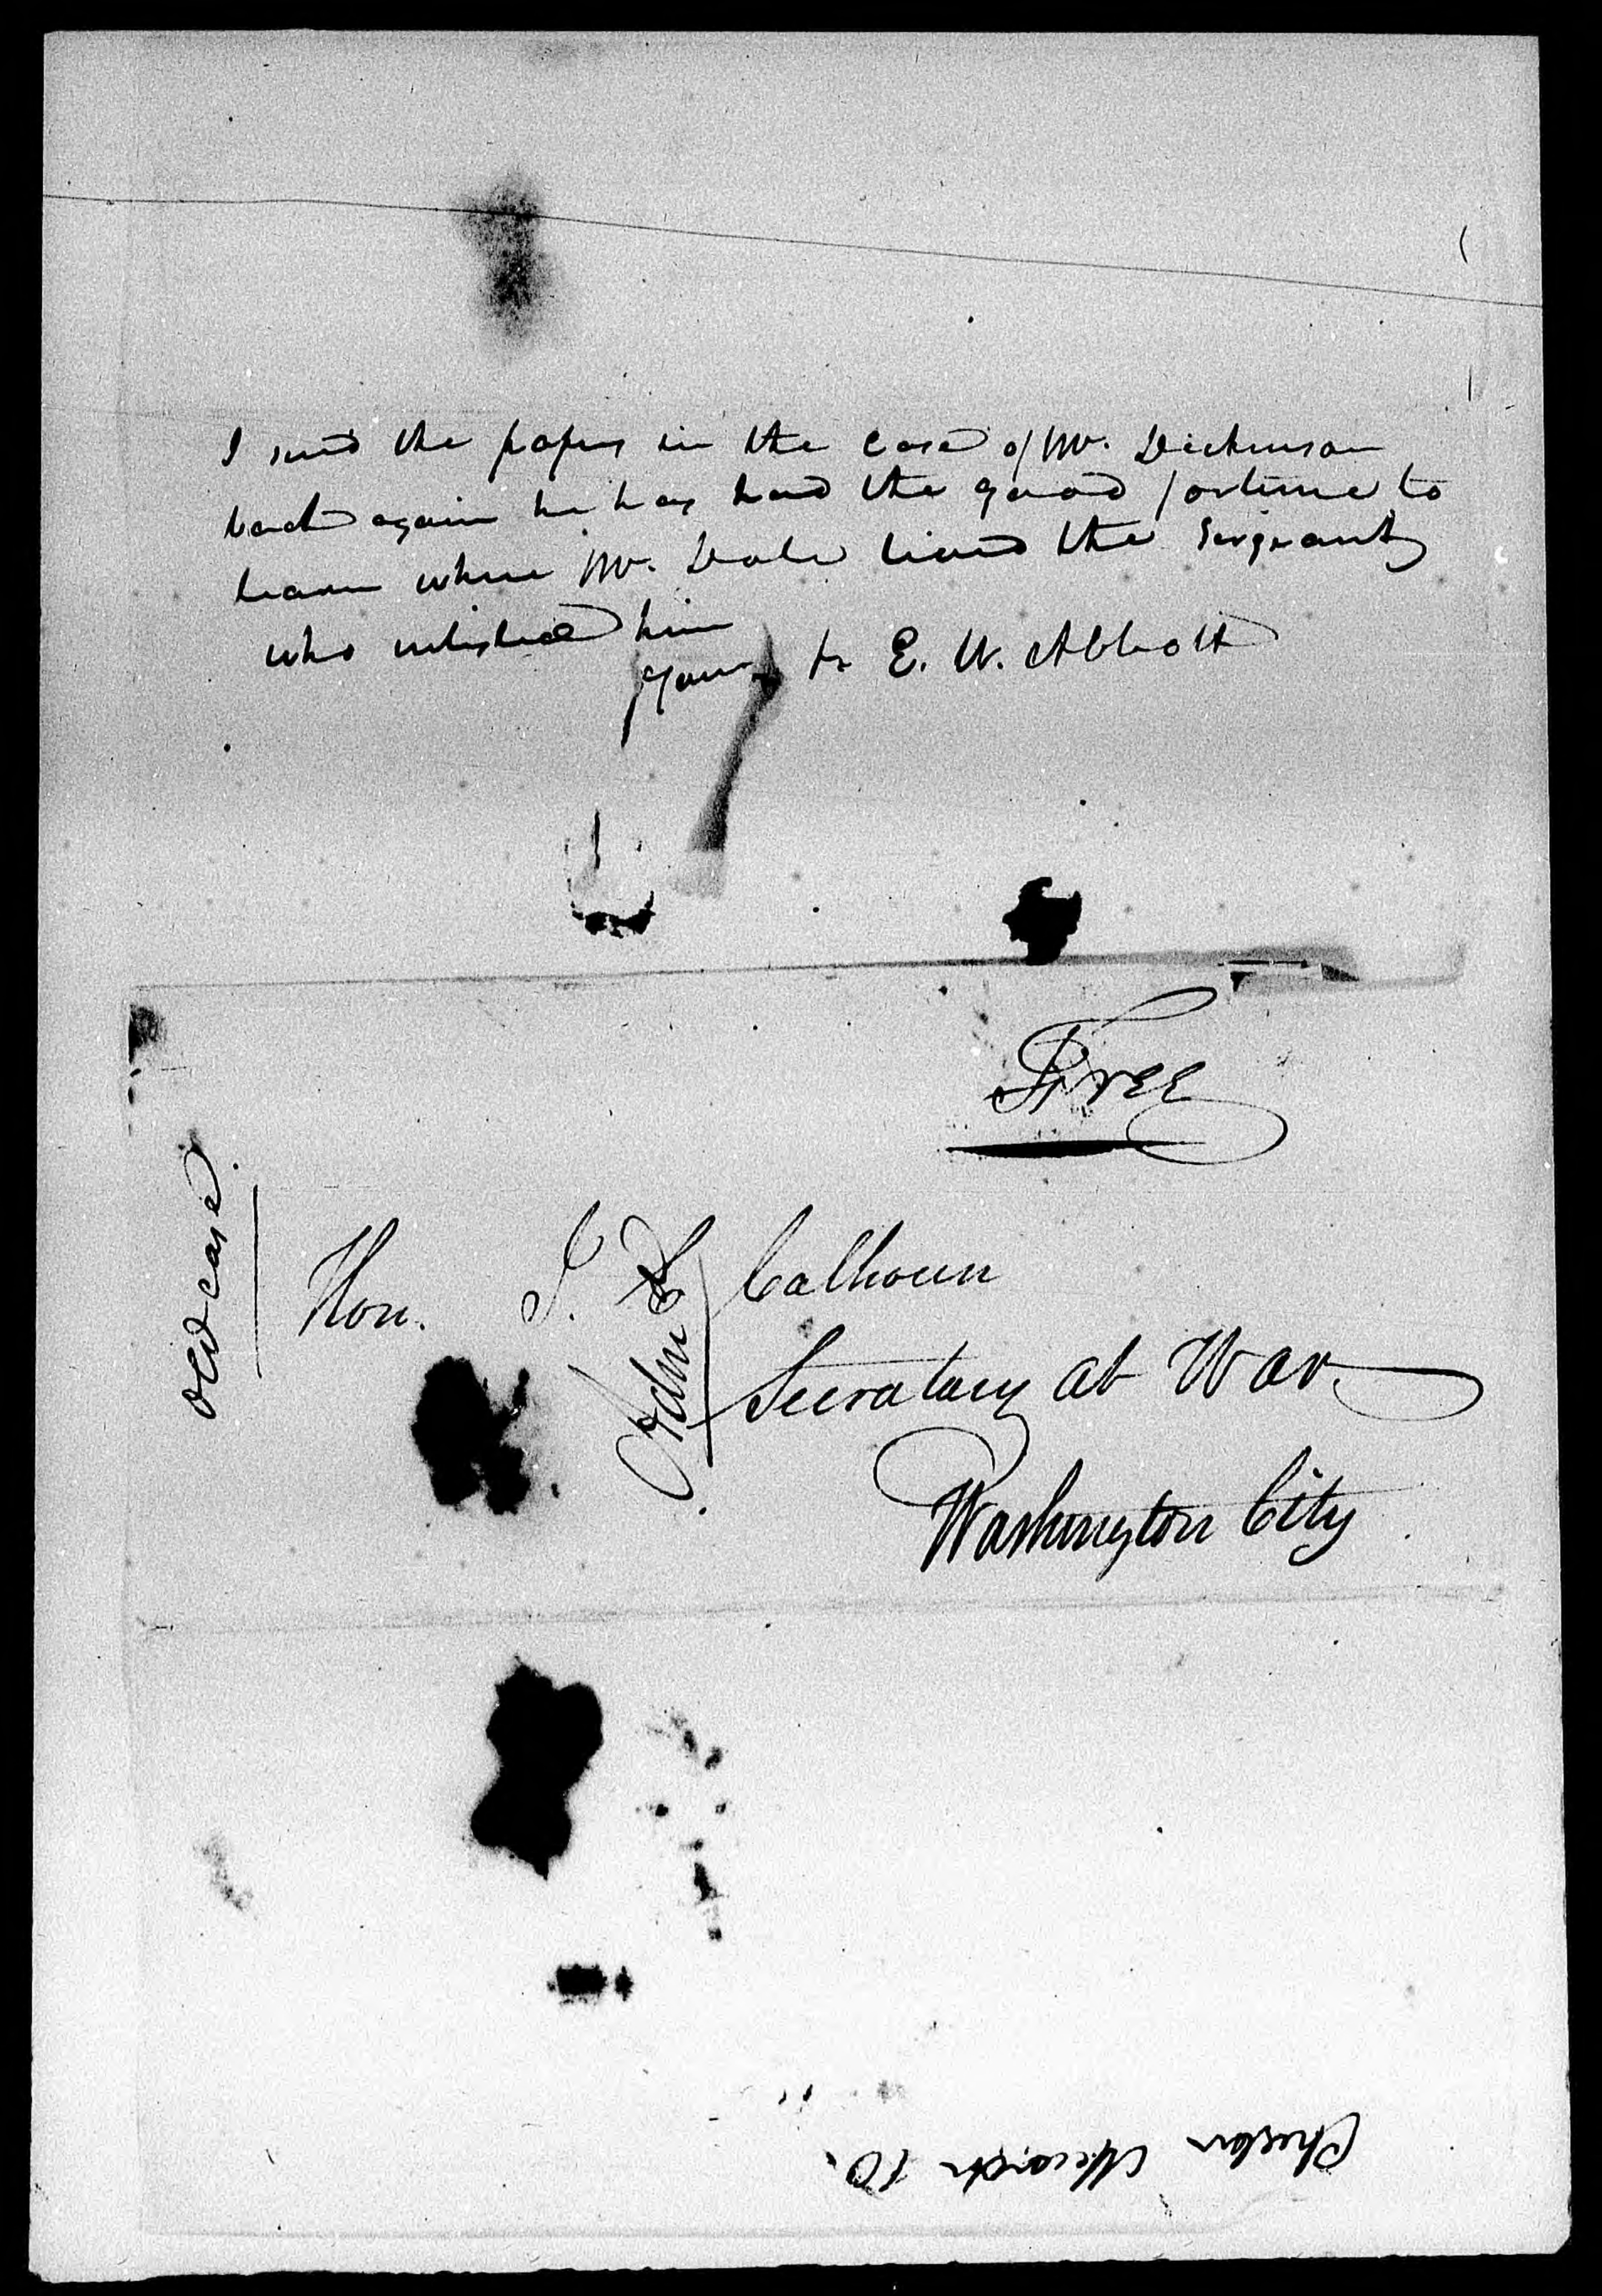I sent the papers in the care of Mr. Dickenson back again he has had the good fortune to learn where Mr. Vale lived the Serg[illegible] who [illegible]
Yours for E. U. Abbott

Free
Hon. J. C Calhoun
Secretary at War
Washington City

old case
Adm'd

[illegible upside down note]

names: Dickinson, J C Calhoun, E W Abbott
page: 29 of 60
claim: widow's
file: W 16,955, Samuel Dickinson, Conn.